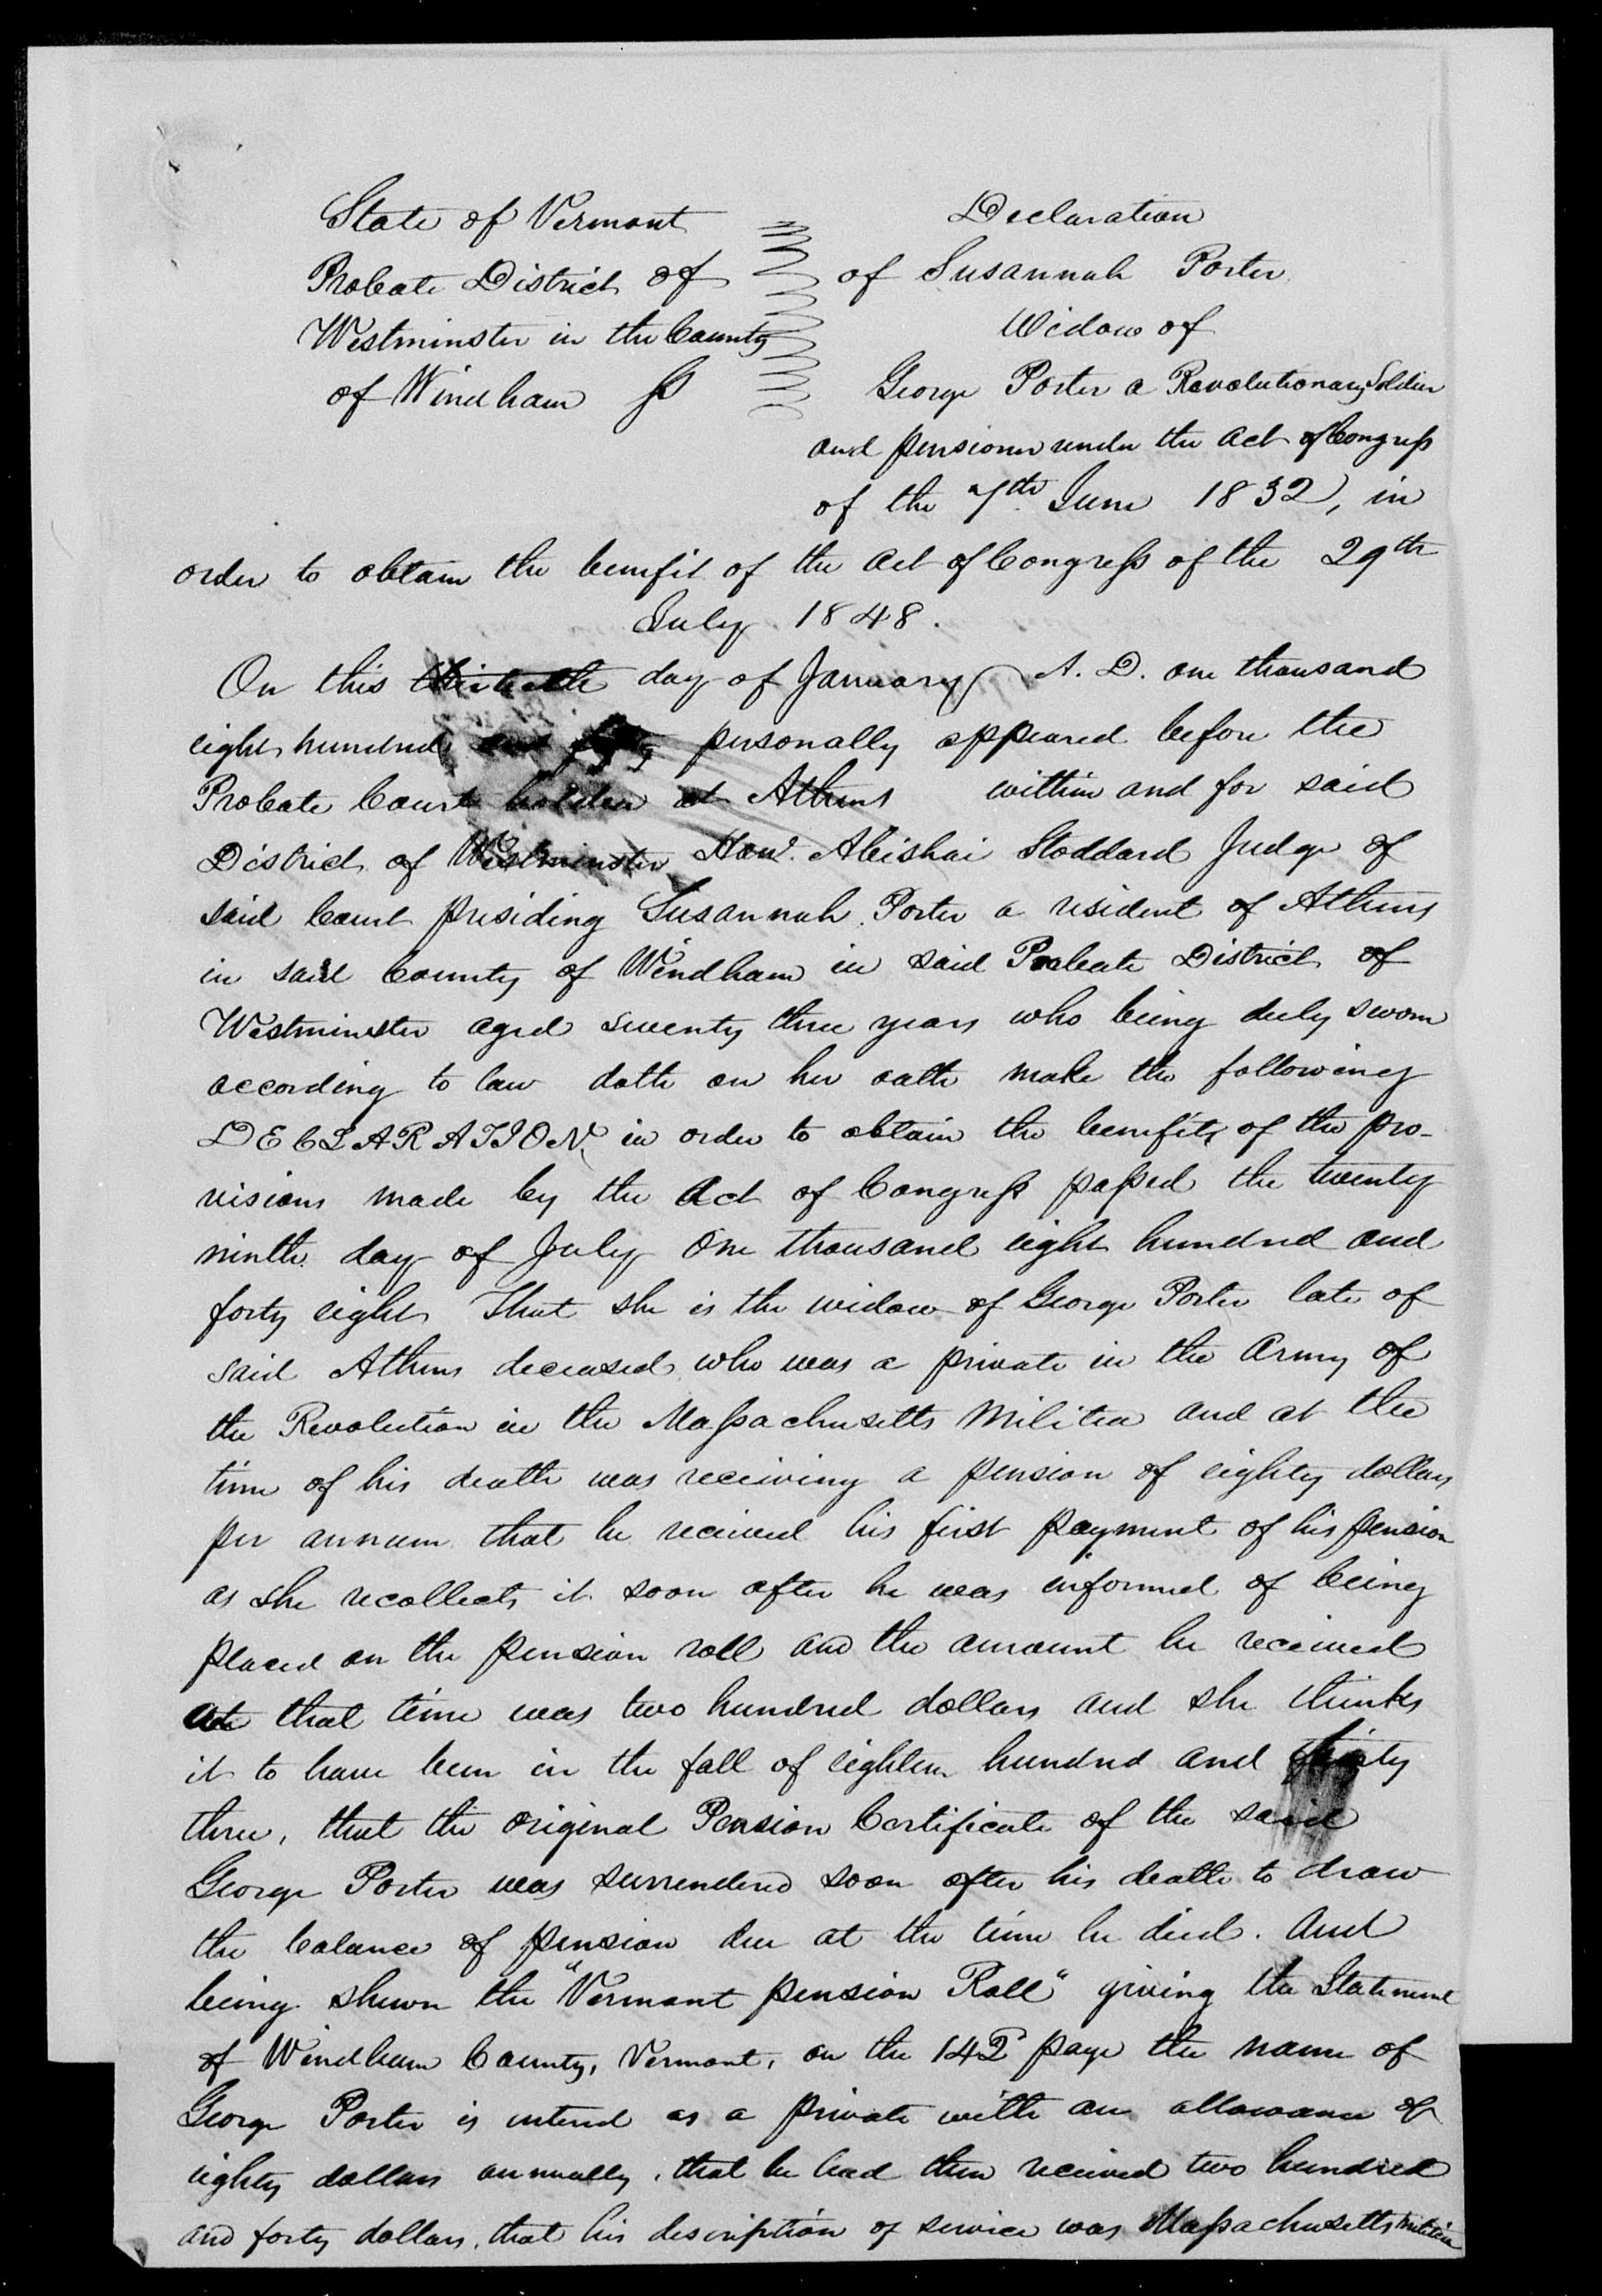State of Vermont
Probate District of
Westminster in the County
of Windham ss

Declaration of Susannah Porter Widow of
George Porter a Revolutionary Soldier and pensioner under the Act of Congress of the 7th June 1832, in order to obtain the benefit of the act of Congress of the 29th July 1848.
On this thirteenth day of January A.D. One thousand eight hundred and fifty personally appeared before the Probate Court holden at Athens within and for said District of Westminster Honl Abishai Stoddard Judge of said Court presiding Susannah Porter a resident of Athens in said County of Windham in said Probate District of Westminster aged seventy three years who being duly sworn according to law doth on her oath make the following
DECLARATION in order to obtain the benefit of the provisions made by the Act of Congress passed the twenty ninth day of July one thousand eight hundred and forty eight. That she is the widow of George Porter late of said Athens deceased who was a private in the Army of the Revolution in the Massachusetts Militia and at the time of his death was receiving a pension of eighty dollars per annum that he received his first payment of his pension as she recollects it soon after he was informed of being placed on the pension roll and the amount he received at that time was two hundred dollars and she thinks it to have been in the fall of eighteen hundred and thirty three, that the original Pension Certificate of the said George Porter was surrendered soon after his death to draw the balance of pension due at the time he died. And being shown the "Vermont Pension Roll" giving the Statement of Windham County, Vermont, on the 142 page the name of George Porter is entered as a private with an allowance of eighty dollars annually, that he had then received two hundred and forty dollars, that his description of service was Massachusetts Militia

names: Susannah Porter; George Porter; Abishai Stoddard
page: 10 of 49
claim: widow's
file: W. 2164, for George Porter, Massachusetts